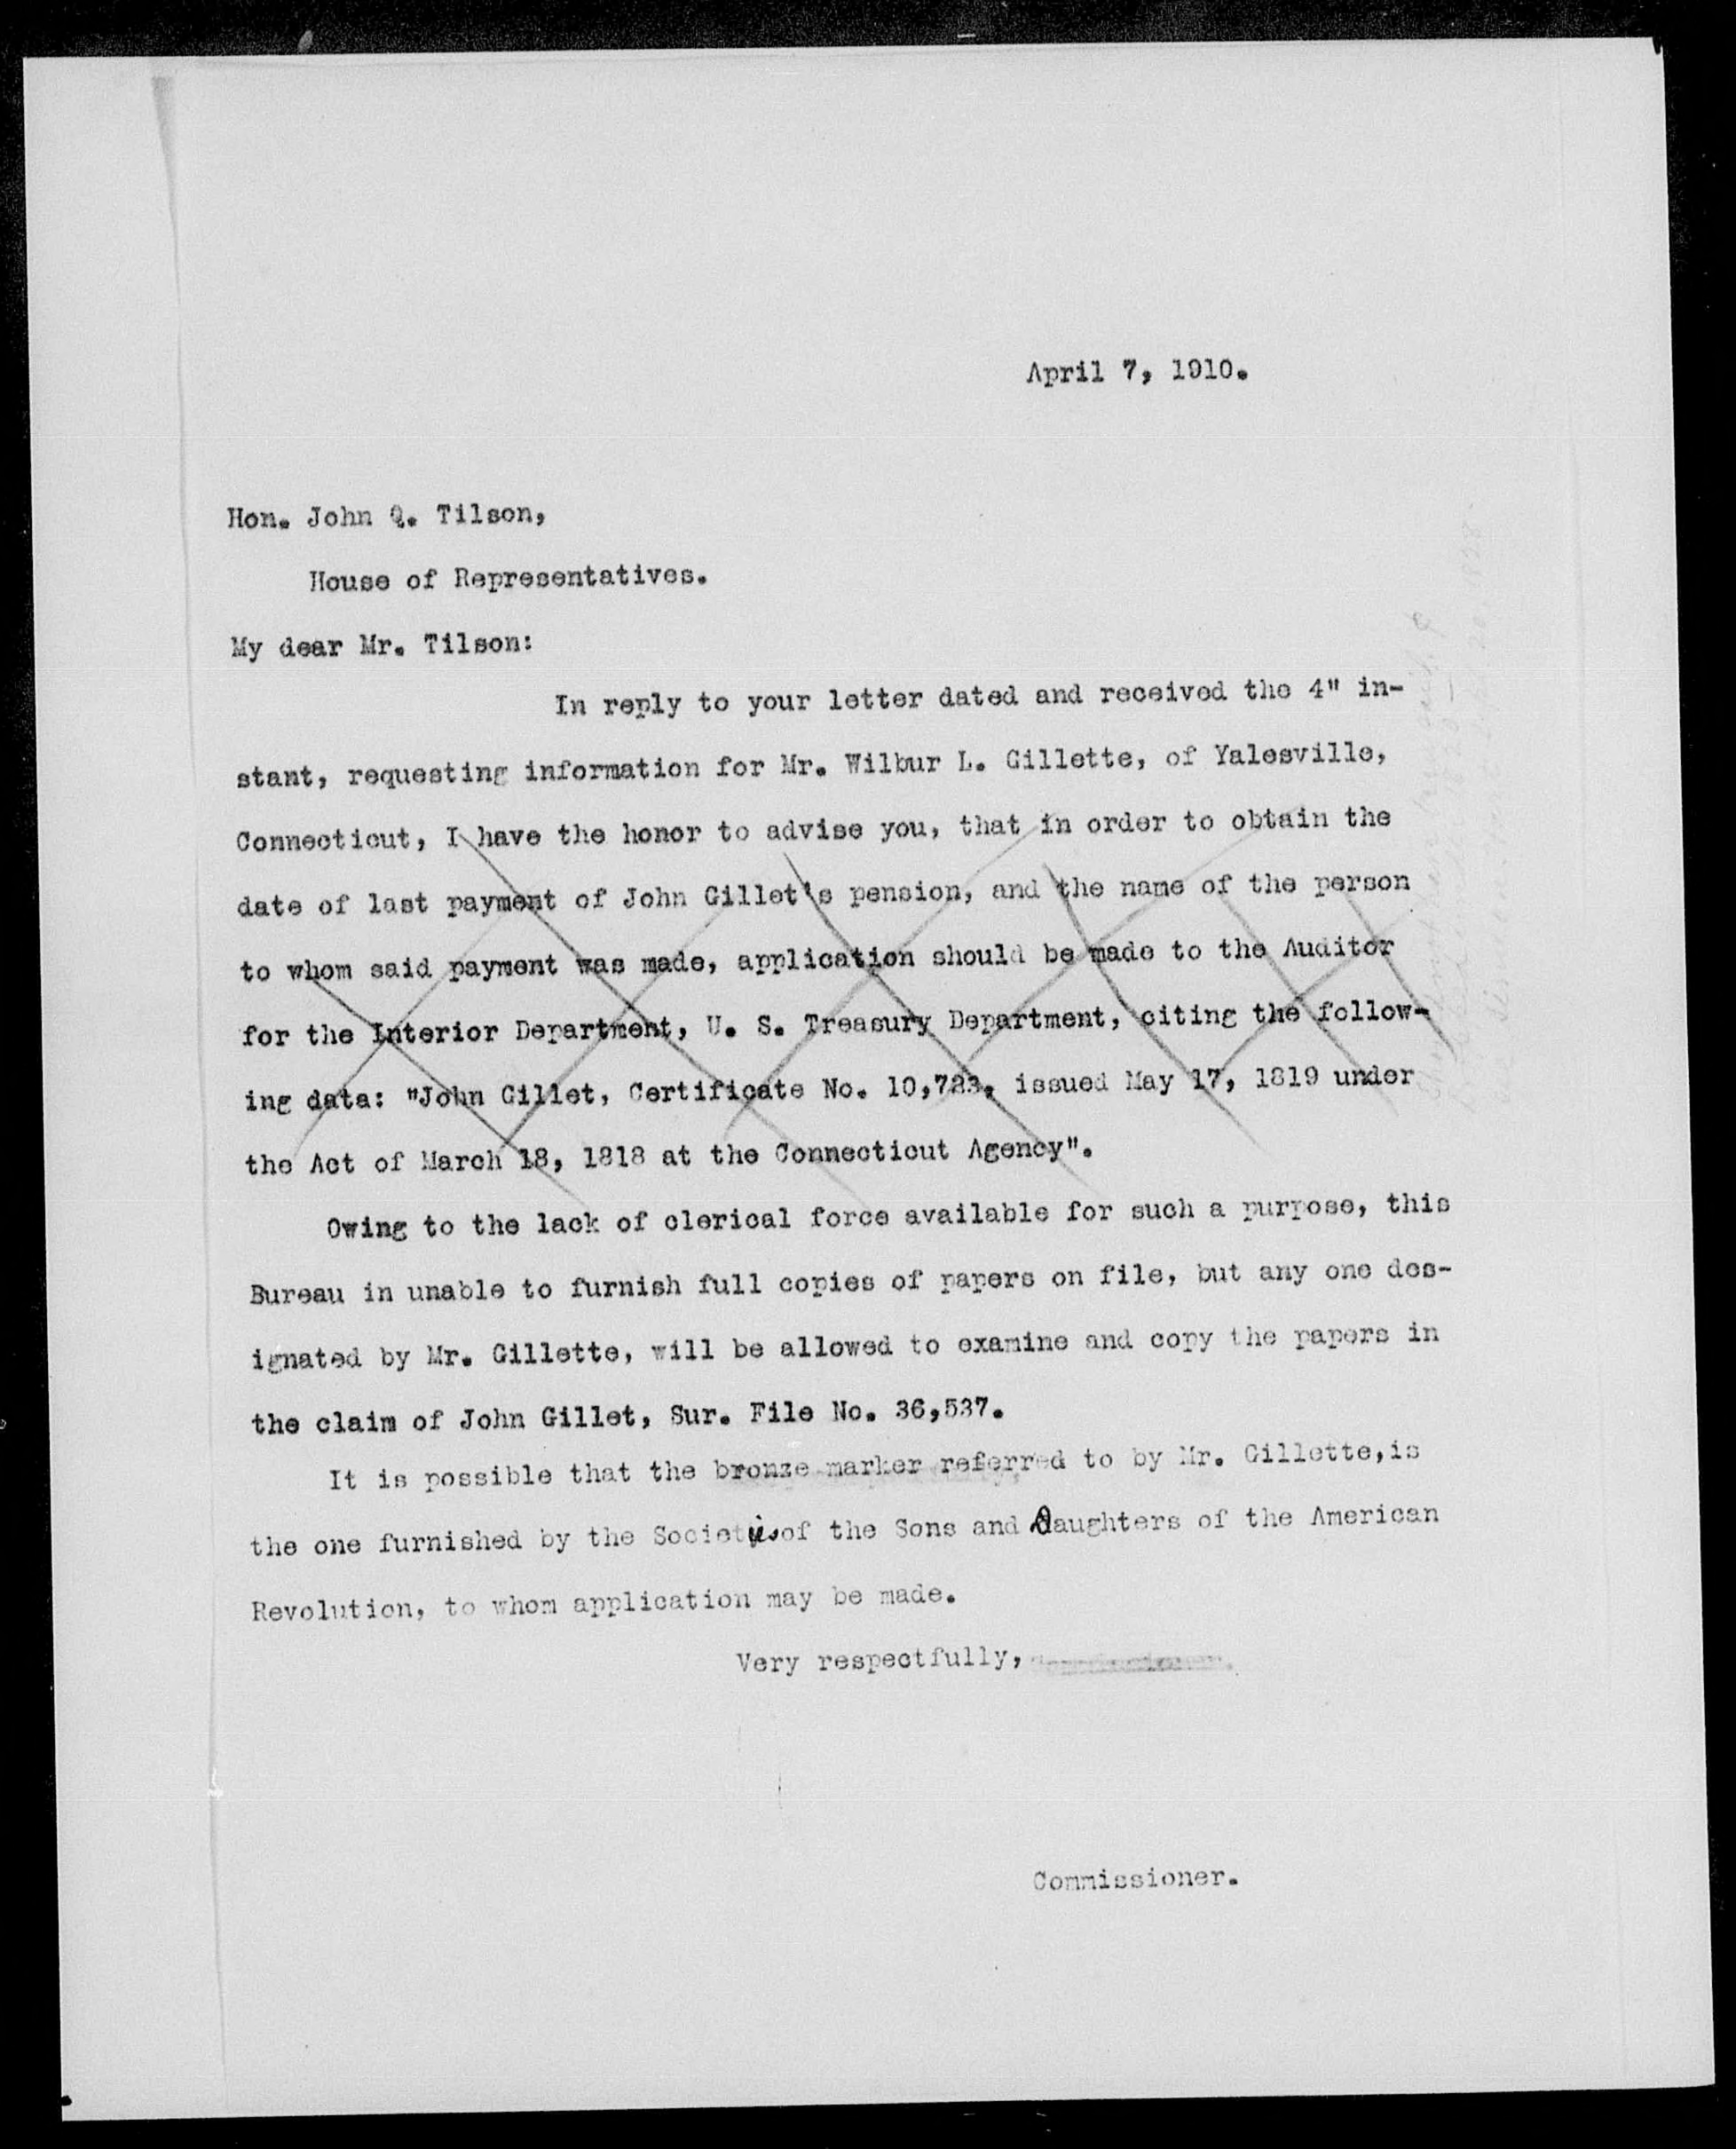April 7, 1910.

Hon. John Q. Tilson,
  House of Representatives.

My dear Mr. Tilson:

           In reply to your letter dated and received the 4th instant, requesting information for Mr. Wilbur L. Gillette, of Yalesville, Connecticut,  [NOTE: All of the following information has been crossed ending with the words Connecticut Agency"]  I have the honor to advise you, that in order to obtain the date of last payment of John Gillet's pension, and the name of the person to whom said payment was made, application should be made to the Auditor for the Interior Department, U.S. Treasury Department, citing the following data: John Gillet, Certificate No. 10,723, issued May 17, 1819 under the Act of March 18, 1818 at the Connecticut Agency".

     Owing to the lack of clerical force available for such a purpose, this Bureau is unable to furnish full copies of papers on file, but any one designated by Mr. Gillette, will be allowed to examine and copy the papers in the claim of John Gillet, Sur. File No. 36 537.

   It is possible that the bronze marker referred to by Mr. Gillette is one furnished by the Society of the Sons and Daughters of the American Revolution, to whom application is made.

                            Very respectfully,

                                 Commissioner.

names: Wilbur L Gillette, John Gillet, John Q Tilson, Gillette, Tilson, Gillette, John Gillet, John Gillet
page: 38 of 40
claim: survivor's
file: S. 36,537 And R. 4034, John Gillet, Conn.